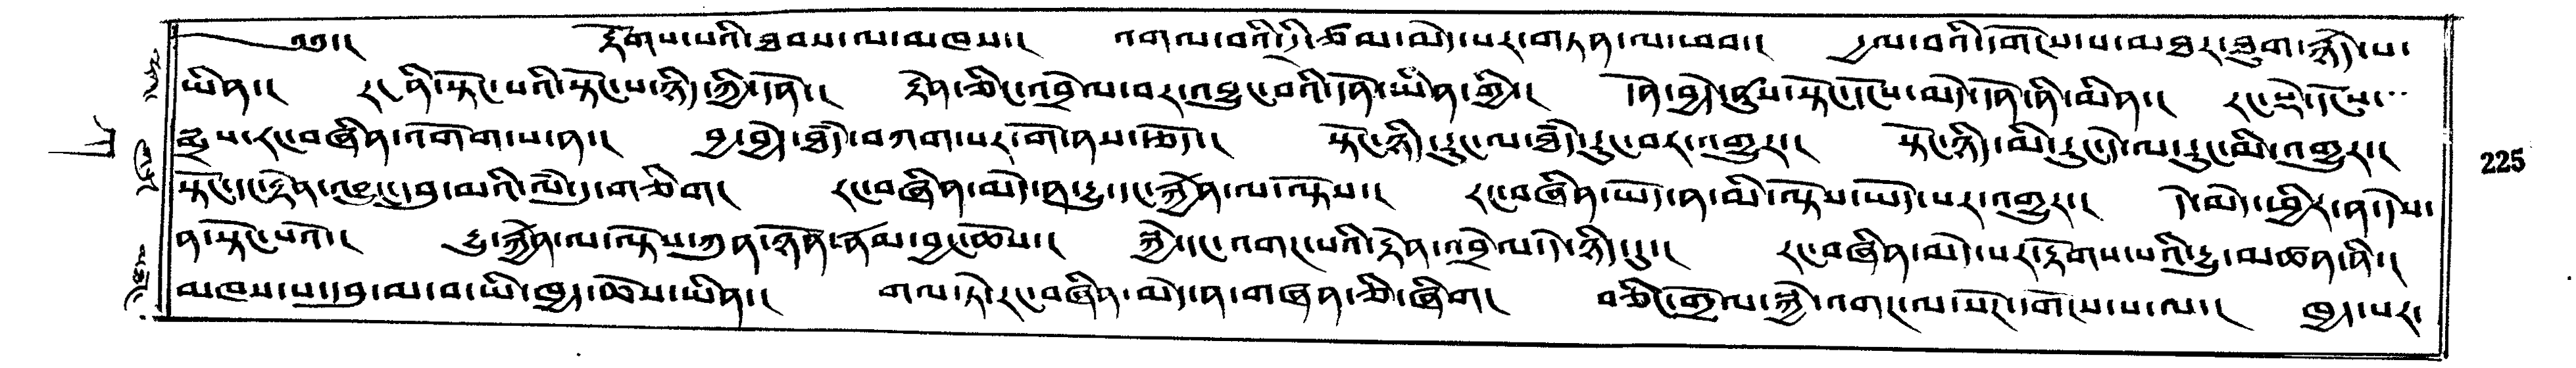རྟོགས་པའི་ཐབས་ལ་མཁས། །འགལ་བའི་དྲི་ཙམ་མེད་པར་གཏན་ལ་ཕབ། །རྒྱལ་བའི་དགོངས་པ་མཐར་ཐུག་རྙེད་པ་
ཡིན། །རང་བཞིན་སྟོང་པའི་སྟོང་པ་ཉིད་ཀྱི་དོན། །རྟེན་ཅིང་འབྲེལ་བར་འབྱུང་བའི་དོན་ཡིན་གྱི། །དོན་བྱེད་ནུས་སྟོང་དངོས་མེད་དོན་ནི་མིན། །རང་སྡེ་དངོས་
སྨྲས་རང་བཞིན་འགོག་པ་ན། །བྱ་བྱེད་ཐམས་ཅད་བཀག་པར་གོ་ནས་རྩོད། །སྟོང་ཉིད་རུང་ལ་ཐམས་ཅད་རུང་བར་འགྱུར། །སྟོང་ཉིད་མི་རུང་དེ་ལ་རུང་མི་འགྱུར། །
སྟོང་དང་རྟེན་འབྱུང་དབུ་མའི་ལམ་དུ་གཅིག །རང་བཞིན་མེད་ན་རྒྱུ་དང་རྐྱེན་ལ་ལྟོས། །རང་བཞིན་ཡོད་ན་མི་ལྟོས་ཡོད་པར་འགྱུར། །དེ་མེད་ཕྱིར་ན་དེས་
ན་སྟོང་པའོ། །རྒྱུ་རྐྱེན་ལ་ལྟོས་ཀུན་ཉོན་རྣམ་བྱང་ཆོས། །སྐྱེ་དང་འགགས་པའི་རྟེན་འབྲེལ་དེ་ཉིད་དུ། །རང་བཞིན་མེད་པར་རྟོགས་པའི་རྒྱུ་མཚན་ནི། །
མཁས་པ་དབུ་མ་པ་ཡི་ཁྱད་ཆོས་ཡིན། །གལ་ཏེ་རང་བཞིན་མེད་ན་གཞན་ཅི་ཞིག།བཅིངས་གྲོལ་སྐྱེ་འགག་ལ་སོགས་འགོག་པ་ལ། ཁྱད་པར་